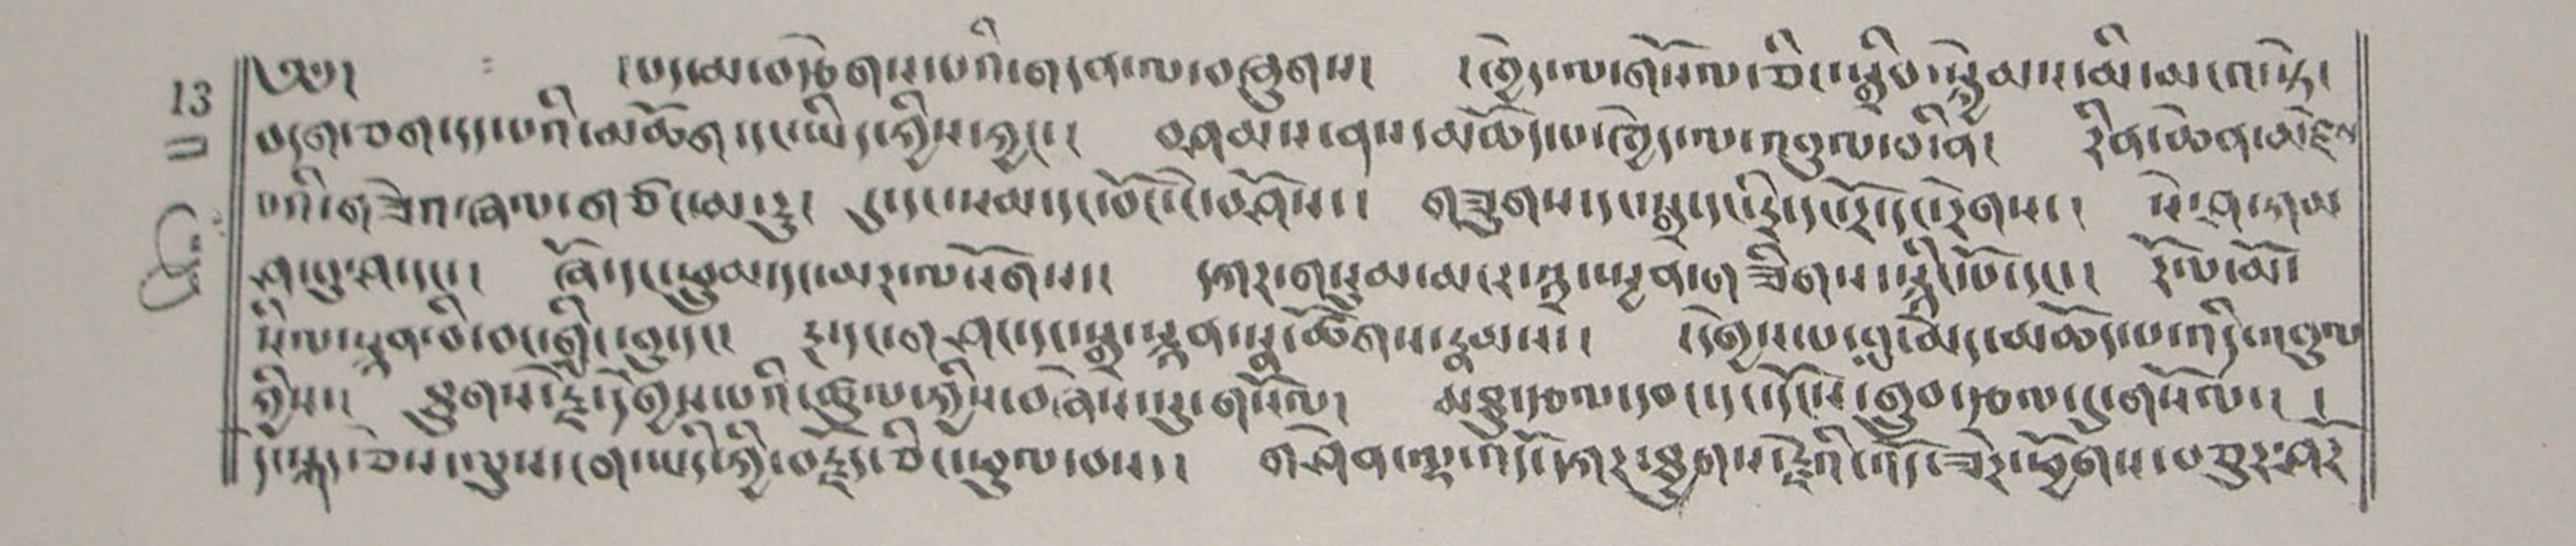༄༅། །པད་མ་བརྩེགས་པའི་གདན་ལ་བཞུགས། ཁྱེད་ལ་གསོལ་ཅིང་སྒྲིབ་སྐྱེམས་མི་མངའ་སྟེ། 
བདག་ཅག་དད་པའི་མཆོག་དང་ཡིད་ཀྱིས་ཀྱང་། བཤམས་ནས་མཆོད་པ་ཁྱེད་ལ་འབུལ་བ་ནི། རིན་ཆེན་མཛེས་
པའི་གཟེ་ཞལ་གཙང་མ་རུ། དུ་དང་སམ་དང་བོང་ངེ་བཤོས། གཟུགས་དང་སྒྲ་དང་དྲི་དང་རོ་དང་རེག སེ་ཤ་གམ་
ཤ་པུ་ཤ་དང་། ཞོ་དང་ཕྲུམ་དང་མར་ལ་སོགས། དཀར་གསུམ་མངར་གསུམ་སྤྱན་གཟིགས་སྙིང་པོ་དང་། རོལ་མོ་
སིལ་སྙན་པི་ཝང་གླིང་བུ་དང་། རྔ་དང་གཤང་དང་སྒྲ་སྙན་སྣ་ཚོགས་རྣམས། དགྱེས་པ་བླ་མེད་མཆོད་པ་འདི་འབུལ་
གྱིས། ཐུགས་རྗེས་དགྱེས་པའི་ཚུལ་གྱིས་བཞེས་སུ་གསོལ། མཐུའ་རྩལ་དབང་དང་དངོས་གྲུབ་བསྩལ་དུ་གསོལ། 
དེ་སྐད་ཅེས་ལུས་ངག་ཡིད་ཀྱིས་བརྗོད་ཅིང་ཕུལ་བས། གཤེན་ལྷ་འོད་དཀར་ཐུགས་རྗེའི་འོད་ཟེར་ཕྱོགས་བཅུར་ཤར་རོ།